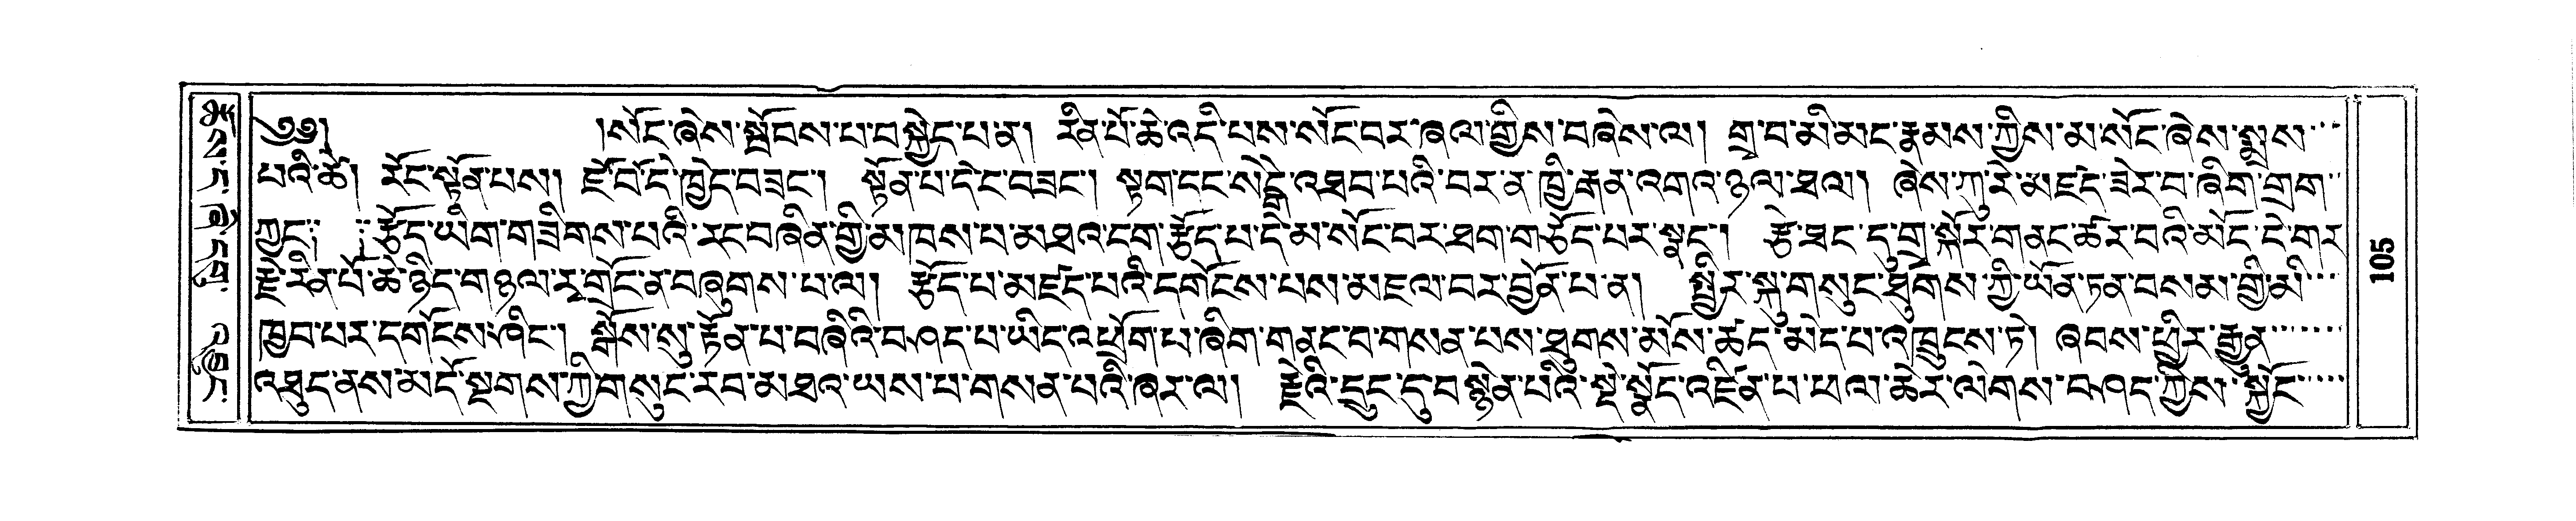༄༅། །སོང་ཞེས་སྦོབས་པ་བསྐྱེད་པ་ན། རིན་པོ་ཆེ་འདི་པས་སོང་བར་ཞལ་གྱིས་བཞེས་ལ། གྲྭ་བ་མི་མང་རྣམས་ཀྱིས་མ་སོང་ཞེས་སྨྲས་
པའི་ཚེ། རོང་སྟོན་པས། ཇོ་བོ་དེ་ཁྱེད་བཟང་། སྟོན་པ་དེ་ང་བཟང་། སྟག་དང་སེངྒེ་འཐབ་པའི་བར་ན་ཁྱི་རྒན་འགའ་ཉལ་ཐལ། ཞེས་ཀུ་རེ་མཛད་ཟེར་བ་ཞིག་གྲག་
ཀྱང༑ ༑རྩོད་ཡིག་གཟིགས་པའི་རང་བཞིན་གྱི་མཁས་པ་མཐའ་དག་རྩོད་པ་དེ་མ་སོང་བར་ཐག་གཅོད་པར་སྣང་། རྩེ་ཐང་དུ་གྲ་སྐོར་གནང་ཚར་བའི་མོང་དེ་གར་
རྗེ་རིན་པོ་ཆེ་ཉིད་གཉལ་རྭ་གྲོང་ན་བཞུགས་པ་ལ། རྩོད་པ་མཛད་པའི་དགོངས་པས་མཇལ་བར་བྱོན་པ་ན། སྤྱིར་སྐུ་གསུང་ཐུགས་ཀྱི་ཡོན་ཏན་བསམ་གྱི་མི་
ཁྱབ་པར་དགོངས་ཤིང་། སྒོས་སུ་རྟོན་པ་བཞིའི་བཤད་པ་ཡིད་འཕྲོག་པ་ཞིག་གནང་བ་གསན་པས་ཐུགས་མོས་ཚད་མེད་པ་འཁྲུངས་ཏེ། ཞབས་ཕྱིར་རྒྱུན་
འཐུད་ནས་མདོ་སྔགས་ཀྱི་གསུང་རབ་མཐའ་ཡས་པ་གསན་པའི་ཞར་ལ། རྗེའི་དྲུང་དུ་བསྙེན་པའི་སྡེ་སྣོད་འཛིན་པ་ཕལ་ཆེར་ལེགས་བཤད་ཀྱིས་སྐྱོང་